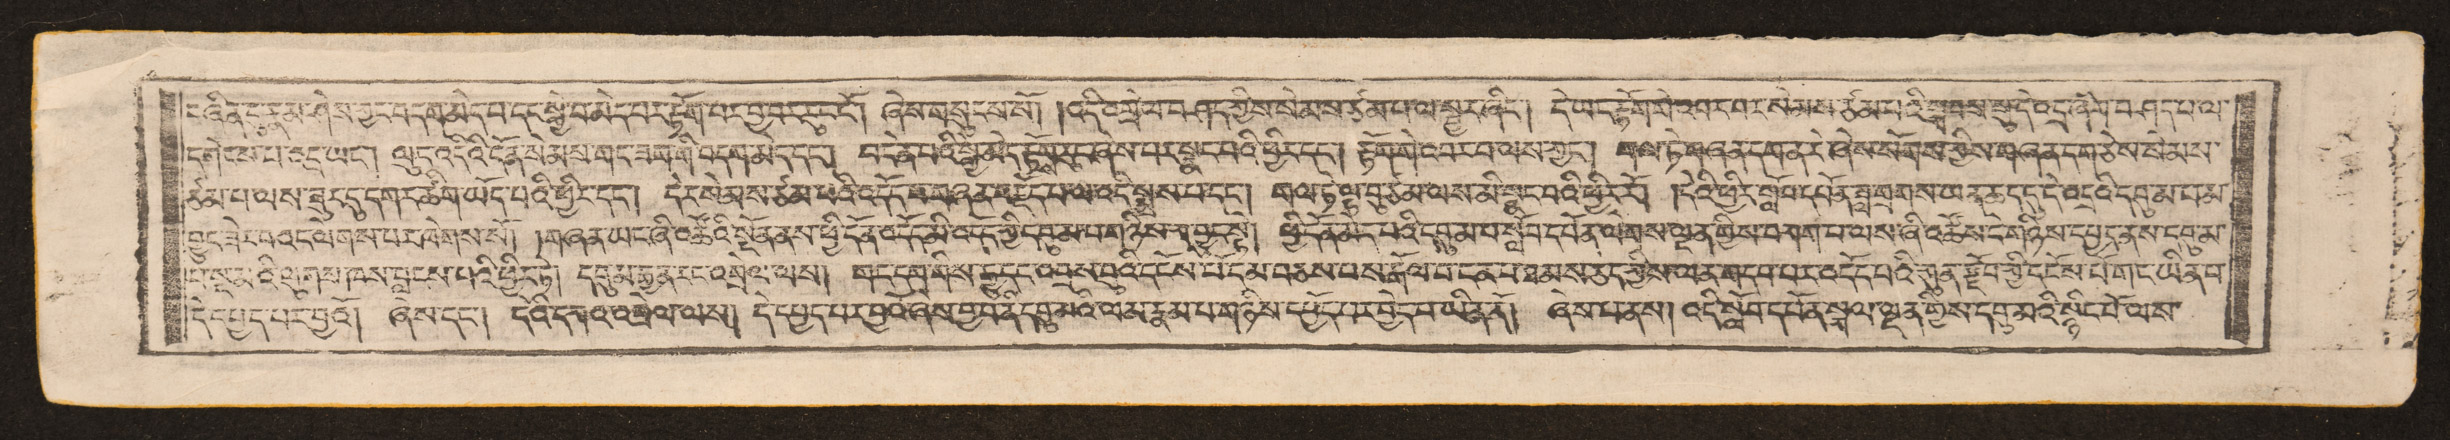བཞིན་དུ་རྣམ་ཤེས་ཀྱང་བདག་མེད་པ་དང་སྐྱེ་བ་མེད་པར་རྟོག་པར་བྱ་བར་དུང་ངོ། །ཞེས་གསུངས་སོ། །འདི་འགྲེལ་བཤད་ཀྱིས་སེམས་ཙམ་པ་ལ་སྦྱར་ཞིང་། དེ་ཡང་རྟོག་གེ་འབར་བར་སེམས་ཙམ་པའི་སྐབས་སུ་དེ་འདྲ་ཞེས་བཤད་པ་ལ་
དགོངས་པ་འདྲ་ཡང་། ལུང་དེའི་དོན་སེམས་གང་ཟག་གི་བདག་མེད་དང་། བདེན་པའི་སྐྱེ་མེད་རྟོག་རུང་ཞེས་པར་སྣང་བའི་ཕྱིར་དང་། རྟོག་གི་འབར་བ་ལས་ཀྱང་། གལ་ཏེ་གཞན་དགན་རེ་ཞེས་སོགས་ཀྱིས་གཞན་དག་ཅེས་སེམས་
ཙམ་བ་ལས་ཟུར་དུ་དགར་ཚིག་ཡོད་པའི་ཕྱིར་དང་། དེར་སེམས་ཙམ་པའི་འདོད་པ་གཞན་བརྗོད་པ་ལ་འདི་སྨྲས་པ་དང་། གལ་ཏེ་ལྟ་བུ་ཙམ་ལས་མི་སྣང་བ་པི་ཕྱིར་རོ། །དེའི་ཕྱིར་སློབ་དཔོན་ཟླ་གྲགས་ཡན་ཆང་དུ་དེ་འདྲའི་དབུ་མ་བམ་
བྱུང་ཟེར་པ་འང་ལེགས་པར་ཁེགས་སོ། །གཞན་ཡང་ཞི་འཚོའི་སྔོན་ནས་ཕྱི་དོན་འདོད་མི་འདོད་ཀྱི་དབུ་མ་པ་གཉིས་ཀ་བྱུང་སྟེ་། ཕྱི་དོན་མེད་པའི་དབུ་མ་བསློབ་དཔོན་ལེགས་ལྡན་གྱིས་བཀག་པ་ལས་ཞི་འཚོས་དེ་གཉིས་དབྱང་ནས་དབུ་མ་
བསྡམ་མའི་ལུགས་ཁས་བླངས་པའི་ཕྱིར་ཏེ། དབུ་མ་རྒྱན་རང་འགྲེལ་ལས། གང་དག་གིས་རྒྱུ་དང་འབྲས་བུའི་དངོས་པོ་ངམ་བཅས་པས་རྒོལ་བ་དན་པ་ཐམས་ཅད་ཀྱིས་ལན་གང་པ་བར་འདོད་པའི་ཀུན་ལྡོབ་?་ཀྱི་དངོས་པོ་གང་ཡིན་པ་
དང་?་བྱེད་?་པར་བྱའོ། ཞེས་དང་། དེའི་དཀའ་འགྲེལ་ལས། དེ་དཔྱད་པར་བྱའོ་ཞེས་བྱ་པ་ནི་དབུ་མའི་ལམ་རྣམ་པ་གཉིས་དཔྱོད་པར་བྱེད་པ་ཡིན་ནོ། ཞེས་པ་ནས། འདི་སློབ་དཔོན་སྐལ་ལྡན་གྱིས་དབུ་མ་འ་?་སྙིང་པོ་ལས་